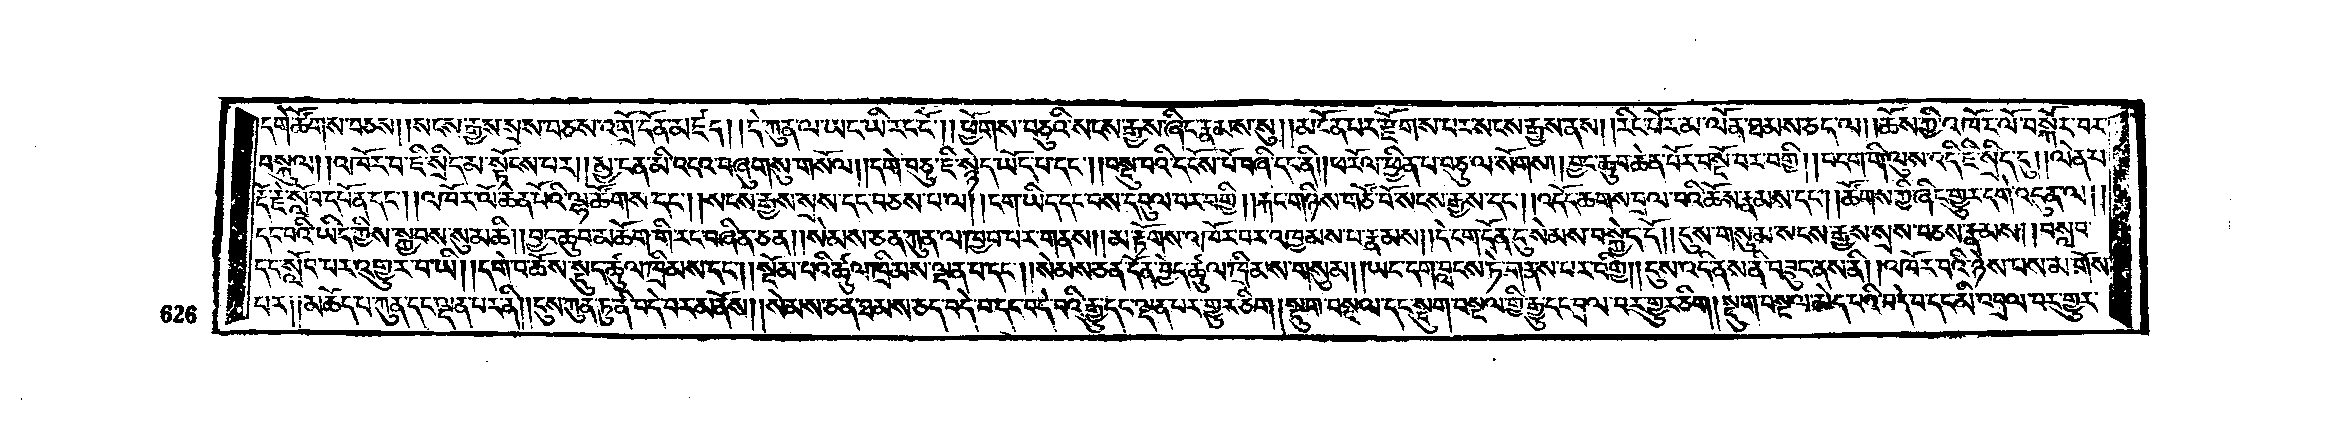དགེ་ཚོགས་བཅས། །སངས་རྒྱས་སྲས་བཅས་འགྲོ་དོན་མཛད། །དེ་ཀུན་ལ་ཡང་ཡི་རང་ངོ། །ཕྱོགས་བཅུའི་སངས་རྒྱས་ཞིང་རྣམས་སུ། །མངོན་པར་རྫོགས་པར་སངས་རྒྱས་ནས། །རིང་པོར་མ་ལོན་ཐམས་ཅད་ལ། །ཆོས་ཀྱི་འཁོར་ལོ་བསྐོར་བར་
བསྐུལ། །འཁོར་བ་ཇི་སྲིད་མ་སྟོངས་པར། །མྱ་ངན་མི་འདའ་བཞུགས་སུ་གསོལ། །དགེ་བཅུ་ཇི་སྙེད་ཡོད་པ་དང་། །བསྡུ་བའི་དངོས་པོ་བཞི་དང་ནི། །ཕ་རོལ་ཕྱིན་པ་བཅུ་ལ་སོགས། །བྱང་ཆུབ་ཆེན་པོར་བསྔོ་བར་བགྱི། །བདག་གི་ལུས་འདི་ཇི་སྲིད་དུ། །ལེན་པ་
རྡོ་རྗེ་སློབ་དཔོན་དང་། །འཁོར་ལོ་ཆེན་པོའི་ལྷ་ཚོགས་དང་། །སངས་རྒྱས་སྲས་དང་བཅས་པ་ལ། །ངག་ཡིད་དང་བས་དབུལ་བར་བགྱི། །རྐང་གཉིས་གཙོ་བོ་སངས་རྒྱས་དང་། །འདོད་ཆགས་བྲལ་བའི་ཆོས་རྣམས་དང་། །ཚོགས་ཀྱི་ཞིང་གྱུར་དགེ་འདུན་ལ། །
དང་བའི་ཡིད་ཀྱིས་སྐྱབས་སུ་མཆི། །བྱང་ཆུབ་མཆོག་གི་རང་བཞིན་ཅན། །སེམས་ཅན་ཀུན་ལ་ཁྱབ་པར་གནས། །མ་རྟོགས་འཁོར་བར་འཁྱམས་པ་རྣམས། །དེ་ངག་དོན་དུ་སེམས་བསྐྱེད་དོ། །དུས་གསུམ་སངས་རྒྱས་སྲས་བཅས་རྣམས། །བསླབ་
དང་སློབ་པར་འགྱུར་བ་ཡི། །དགེ་བ་ཆོས་སྡུད་ཚུལ་ཁྲིམས་དང་། །སྡོམ་པའི་ཚུལ་ཁྲིམས་ལྡན་པ་དང་། །སེམས་ཅན་དོན་བྱེད་ཚུལ་ཁྲིམས་གསུམ། །ཡང་དག་བླངས་ཏེ་གནས་པར་བགྱི། །དུས་འདི་ནས་ནི་བཟུང་ནས་ནི། །འཁོར་བའི་ཉེས་པས་མ་གོས་
པར། །མཆོད་པ་ཀུན་དང་ལྡན་པར་ནི། །དུས་ཀུན་ཏུ་ནི་བདེ་བར་མནོས། །སེམས་ཅན་ཐམས་ཅད་བདེ་བ་དང་བདེ་བའི་རྒྱུ་དང་ལྡན་པར་གྱུར་ཅིག །སྡུག་བསྔལ་དང་སྡུག་བསྔལ་གྱི་རྒྱུ་དང་བྲལ་བར་གྱུར་ཅིག །སྡུག་བསྔལ་མེད་པའི་བདེ་བ་དང་མི་འབྲལ་བར་གྱུར་